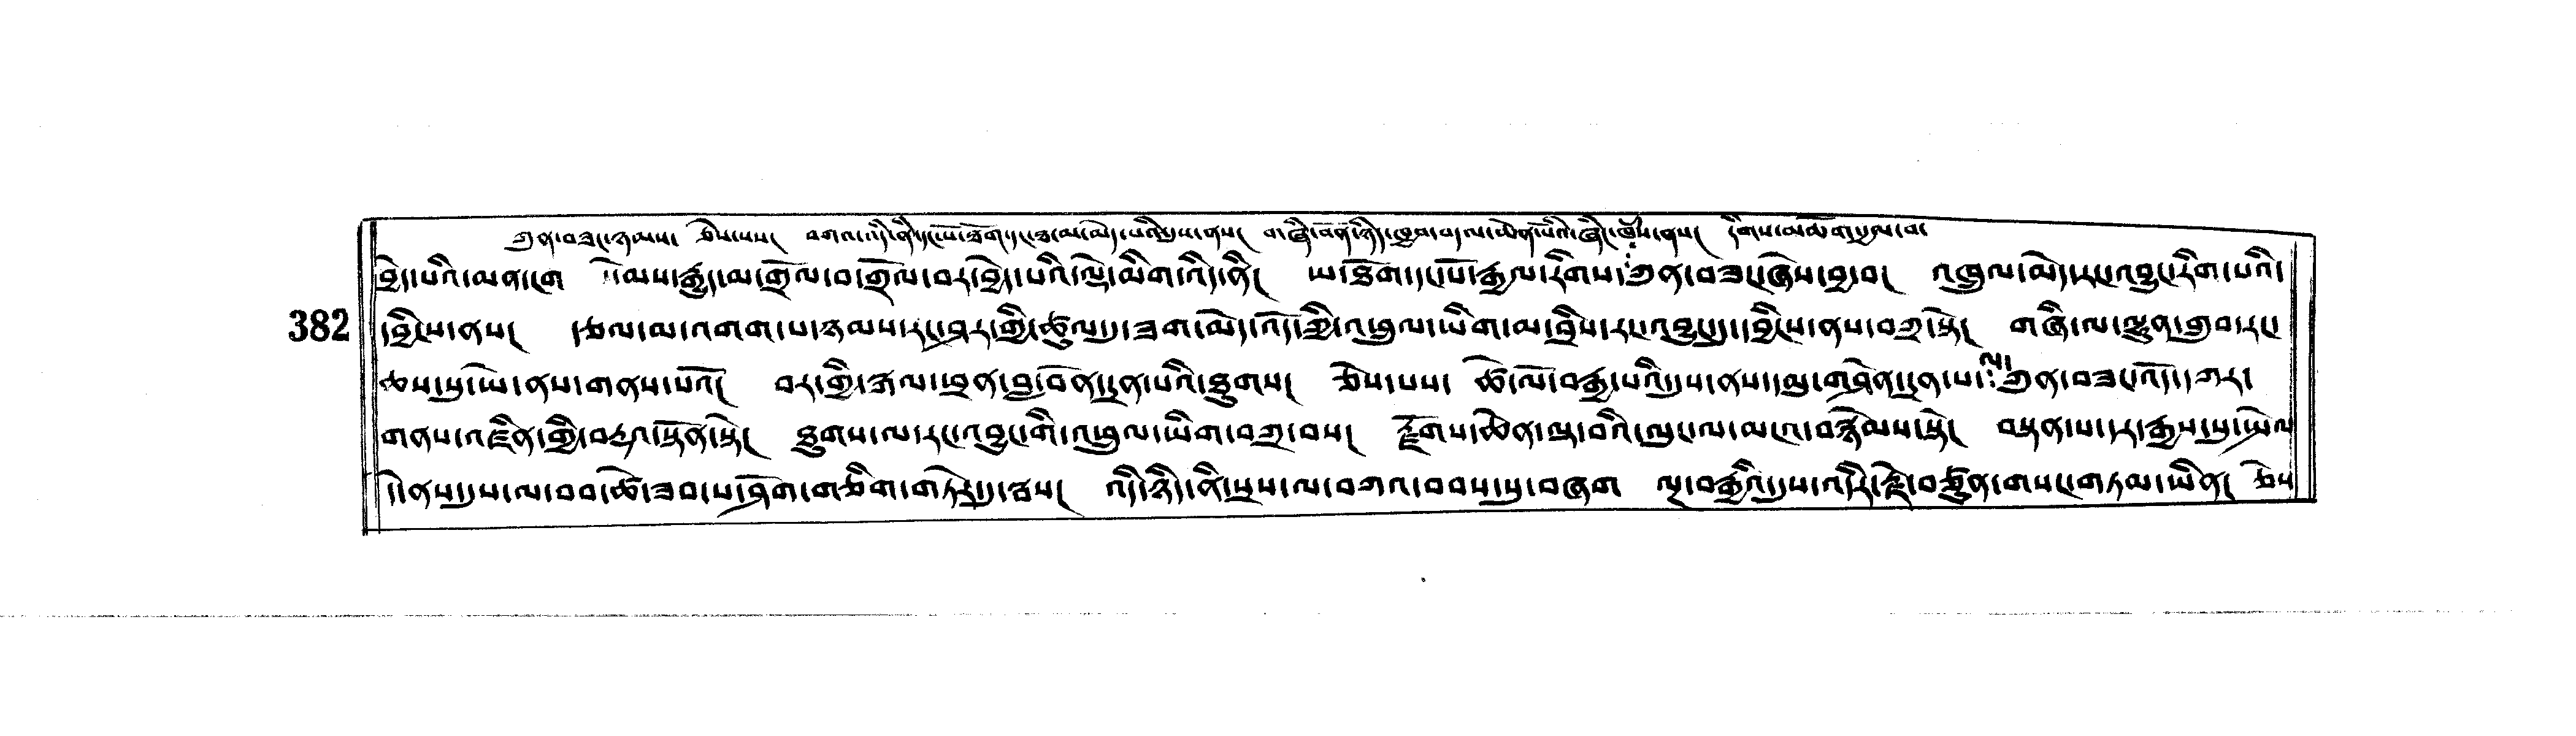བྱེད་པའི་མན་ངག སེམས་རྒྱུད་མ་གྲོལ་བ་གྲོལ་བར་བྱེད་པའི་ལྡེ་མིག་འདི་ནི། ཡ་ཐོག་དང་པོ་རྒྱལ་རིགས་ཀུན་བཟང་ཉམས། ཅེས་པས། བཀའ་འདི་ནི་དང་པོ་ཐོག་དང་ཐ་མ་མེད་པའི་དུས་ནས། གཞི་བོན་ཉིད་ཁྱབ་བདལ་ཆེན་པོའི་ཞིང་ཁམས་ནས། རིགས་མཆོག་རྒྱལ་བ་ཀུན་བཟང་ཞེས་བྱ་བ། འཁྲུལ་མེད་རང་འབྱུང་རིག་པའི་
 དབྱིངས་ནས། རྩལ་མ་འགག་པ་ཉམས་རང་ཤར་གྱི་ཚུལ་དུ་ཟག་མེད་འོད་ཀྱི་འཕྲུལ་ཡིག་མ་བྲིས་རང་འབྱུང་དུ་དབྱིངས་ནས་བཀྲ་སྟེ། གཞི་ལ་ལྷུན་གྲུབ་རང་
ཆས་སུ་ཡེ་ནས་གནས་པའོ། བར་གྱི་སྐལ་ཕྲན་བླ་བོན་དྲན་པའི་ཐུགས། ཅེས་པས། ཚེ་ལོ་བརྒྱ་པའི་དུས་ནས་དམུ་གཤེན་དྲན་པ་ལ་ཀུན་བཟང་འོད་དཀར་
གནས་འཛིན་གྱི་བརྡ་སྟོན་ཏེ། ཐུགས་ལ་རང་འབྱུང་གི་འཕྲུལ་ཡིག་བཀྲ་བས། རྫོགས་ཆེན་ལྟ་བའི་ལུང་ལ་མངའ་བསྙེམས་ཏེ་བསྟན་པ་དར་རྒྱས་སུ་སྤེལ། 
དེ་ནས་དུས་ལ་བབས་ཚེ་ཟབ་པ་ཤོག་གཅིག་དུ་སྦས། འདི་ཉིད་ནི་སྲས་ལ་བཀའ་བབས་སུ་བཞག ལྔ་བརྒྱའི་དུས་འདིར་རྗེ་བཙུན་གསང་གཏམ་ཡིན། ཅེས་